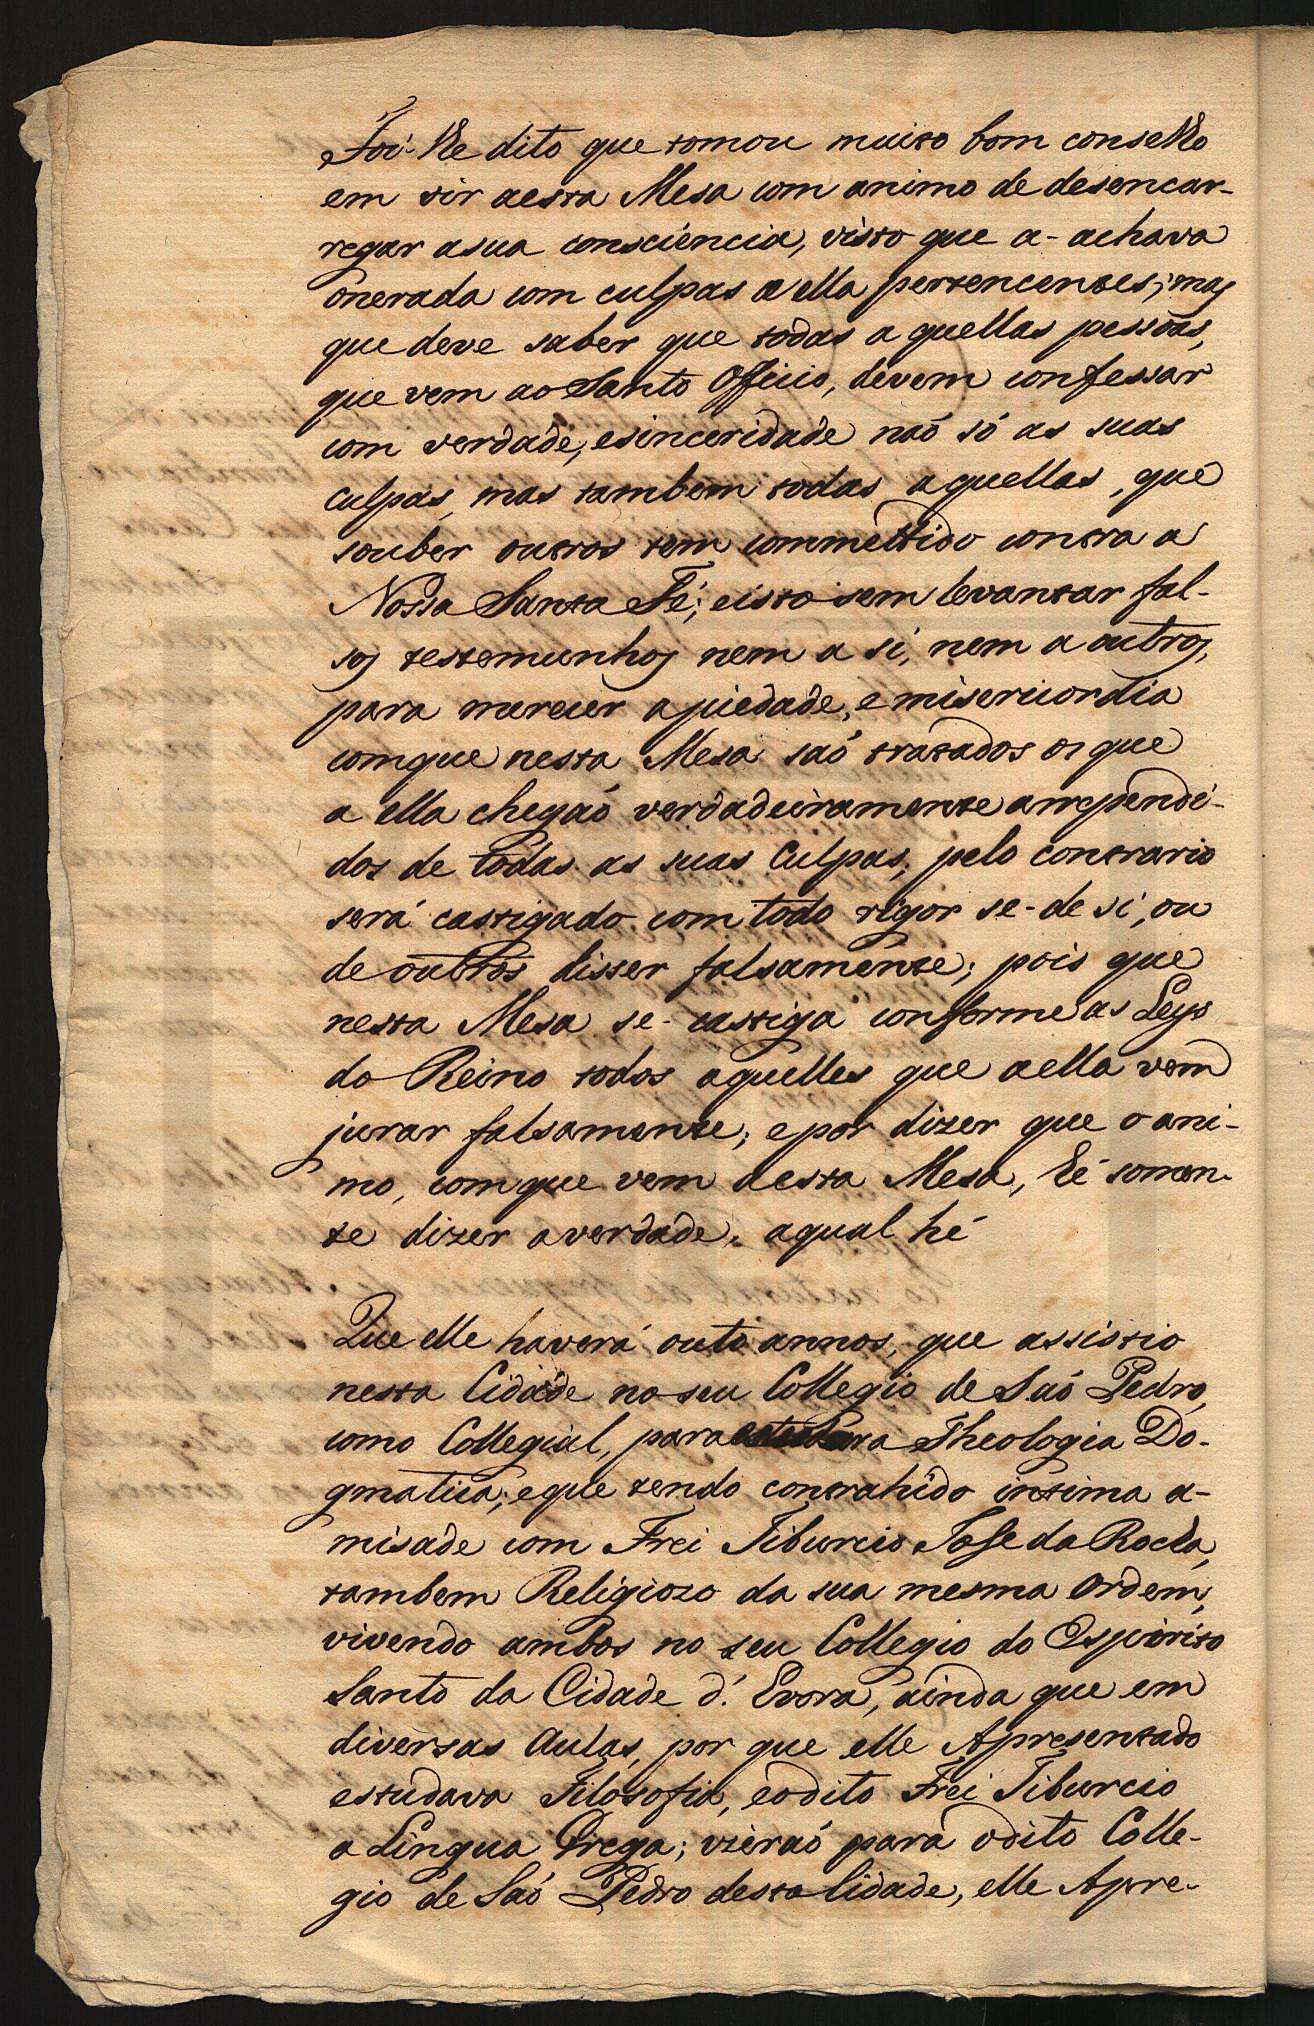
Foi-lhe dito que tomou muito bom conselho
em vir a esta Mesa com animo de desencar
regar a sua consciencia, visto que a-achava
onerada com culpas a ella pertencentes; mas
que deve saber que todas aquellas pessoas,
que vem ao Santo Officio, devem confessar
com verdade, e sinceridade naõ só as suas
culpas, mas tambem todas aquellas, que
souber outros tem commettido contra a
Nossa Santa Fé; e isso sem levantar fal
sos testemunhos nem a si, nem a outros,
para merecer a piedade, e misericordia
com que nesta Mesa saõ tratados os que
a ella chegaõ verdadeiramente arrependi
dos de todas as suas culpas; pelo contrario
será castigado com todo rigor se-de si, ou
de outros disser falsamente; pois que
nesta Mesa se-castiga conforme as Leys
do Reino todos aquelles que a ella vem
jurar falsamente; e por dizer que o ani
mo, com que vem desta Mesa, hé somen
te dizer a verdade, a qual hé
Que elle haverá outo annos, que assistio
nessa Cidade no seu Collegio de Saõ Pedro,
como Collegial, para
a Theologia Do
gmatica; e que zendo contrahido intima a
misade com Frei Tiburcio Jose da Rocha,
tambem Religiozo da sua mesma Ordem,
vivendo ambos no seu Collegio do Espirito
Santo da Cidade d'Evora, ainda que em
diversas aulas, por que elle Apresentado
estudava Filosofia, e o dito Frei Tiburcio
a Lingua Grega; vieraõ para o dito Colle
gio de Saõ Pedro dessa Cidade, elle Apre
